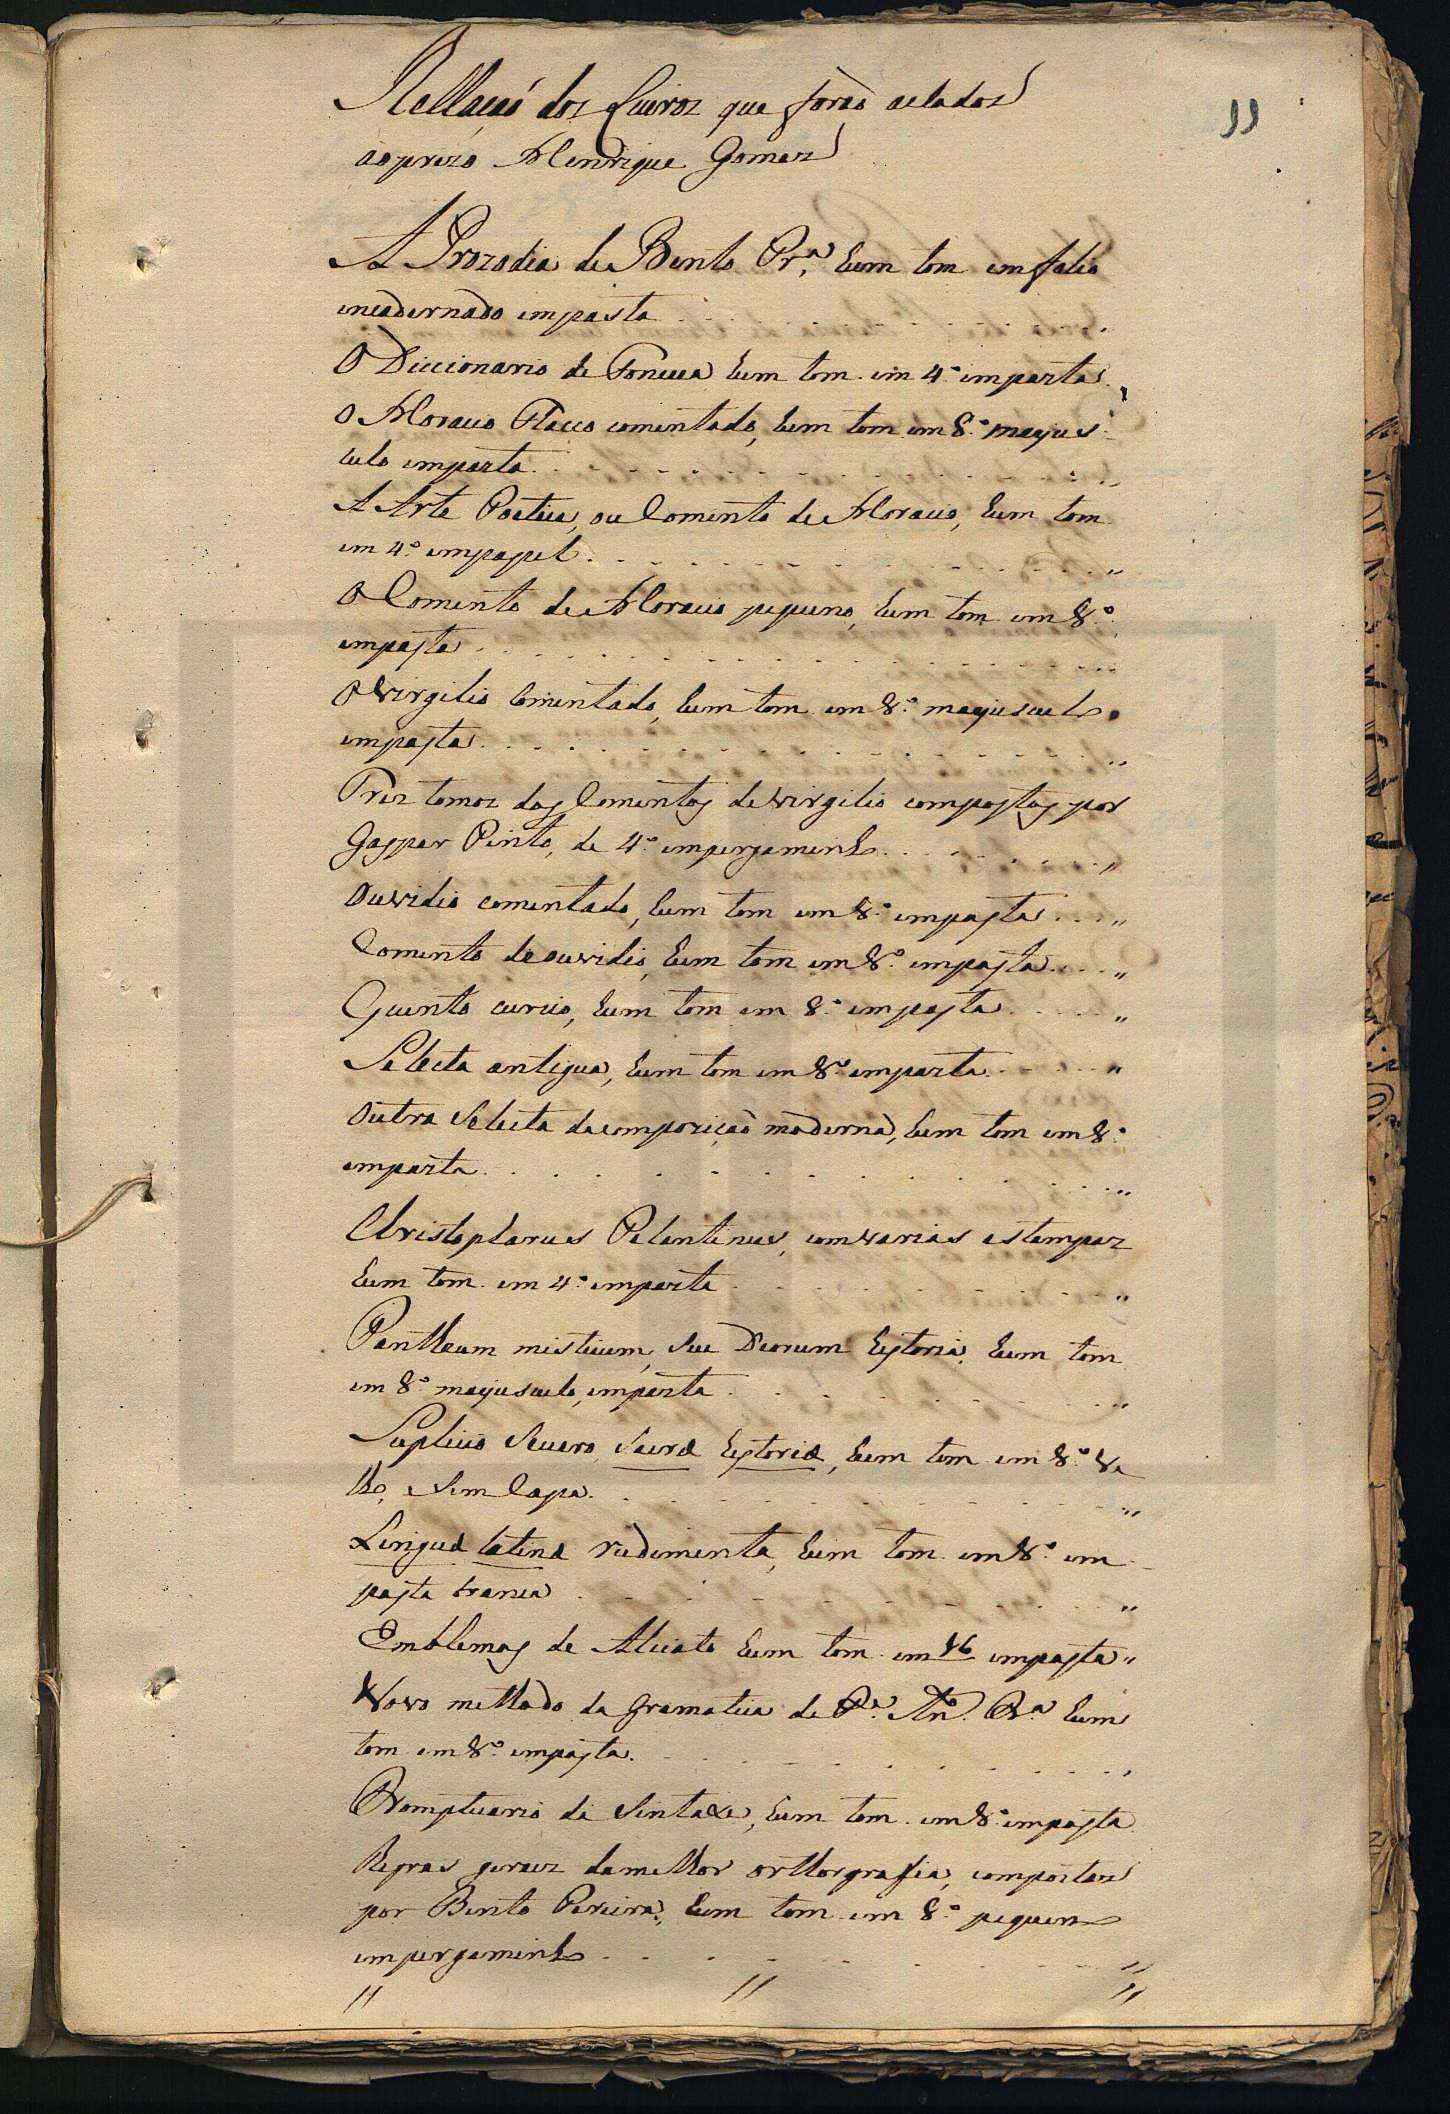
Rellaçaõ dos Liuros que forão achadoz
ao prezo Henrique Gomez
A Prozodia de Bento Pra. hum tom em folio
encadernado em pasta
O Diccionario de Fonceca hum tom em 4 em pazta.
O Horacio Flacco comentado, hum tom em 8o. mayus
culo em pazta
A Arte Poetica, ou Comento de Horacio, hum tom
em 4o. em papel.
O Comento de Horacio pequeno, hum tom em 8o.
em pasta
O Virgilio Comentado, hum tom com 8o. mayusculo
em pasta
Trez tomoz dos Comentos de Virgilio compostos por
Gaspar Pinto, de 4o. em pergaminho.
Ouvidio comentado, hum tom em 8o. em pasta
Comento de ouvidio, hum tom em 8o. em pasta
Quinto cursio, hum tom em 8o. em pasta
Selecta antigua, hum tom em 8o. em pazta
Outra Selecta da compozição moderna, hum tom em 8o.
em pazta
Christopharus Palentinus, com varias estampaz
hum tom em 4o. em pazta
Pantheum misticum, seu Deorum historia hum tom
em 8o. mayusculo, em pazta
Suplicio Severo, Sacra historia , hum tom em 8o. Ve
lho e Sem Capa
Lingua latina rudimenta, hum tom em 8o. em
pasta branca
Emblemas de Alciato hum tom em 16 em pasta
Novo methodo da Gramatica do Pe. Anto. Pra. hum
tom em 8o. em pasta.
Promptuario da Sintaxe, hum tom em 8o. em pasta
Regras geraez da melhor orthografia, compostaz
por Bento Pereira, hum tom em 8o. pequen
em pergaminho
11
